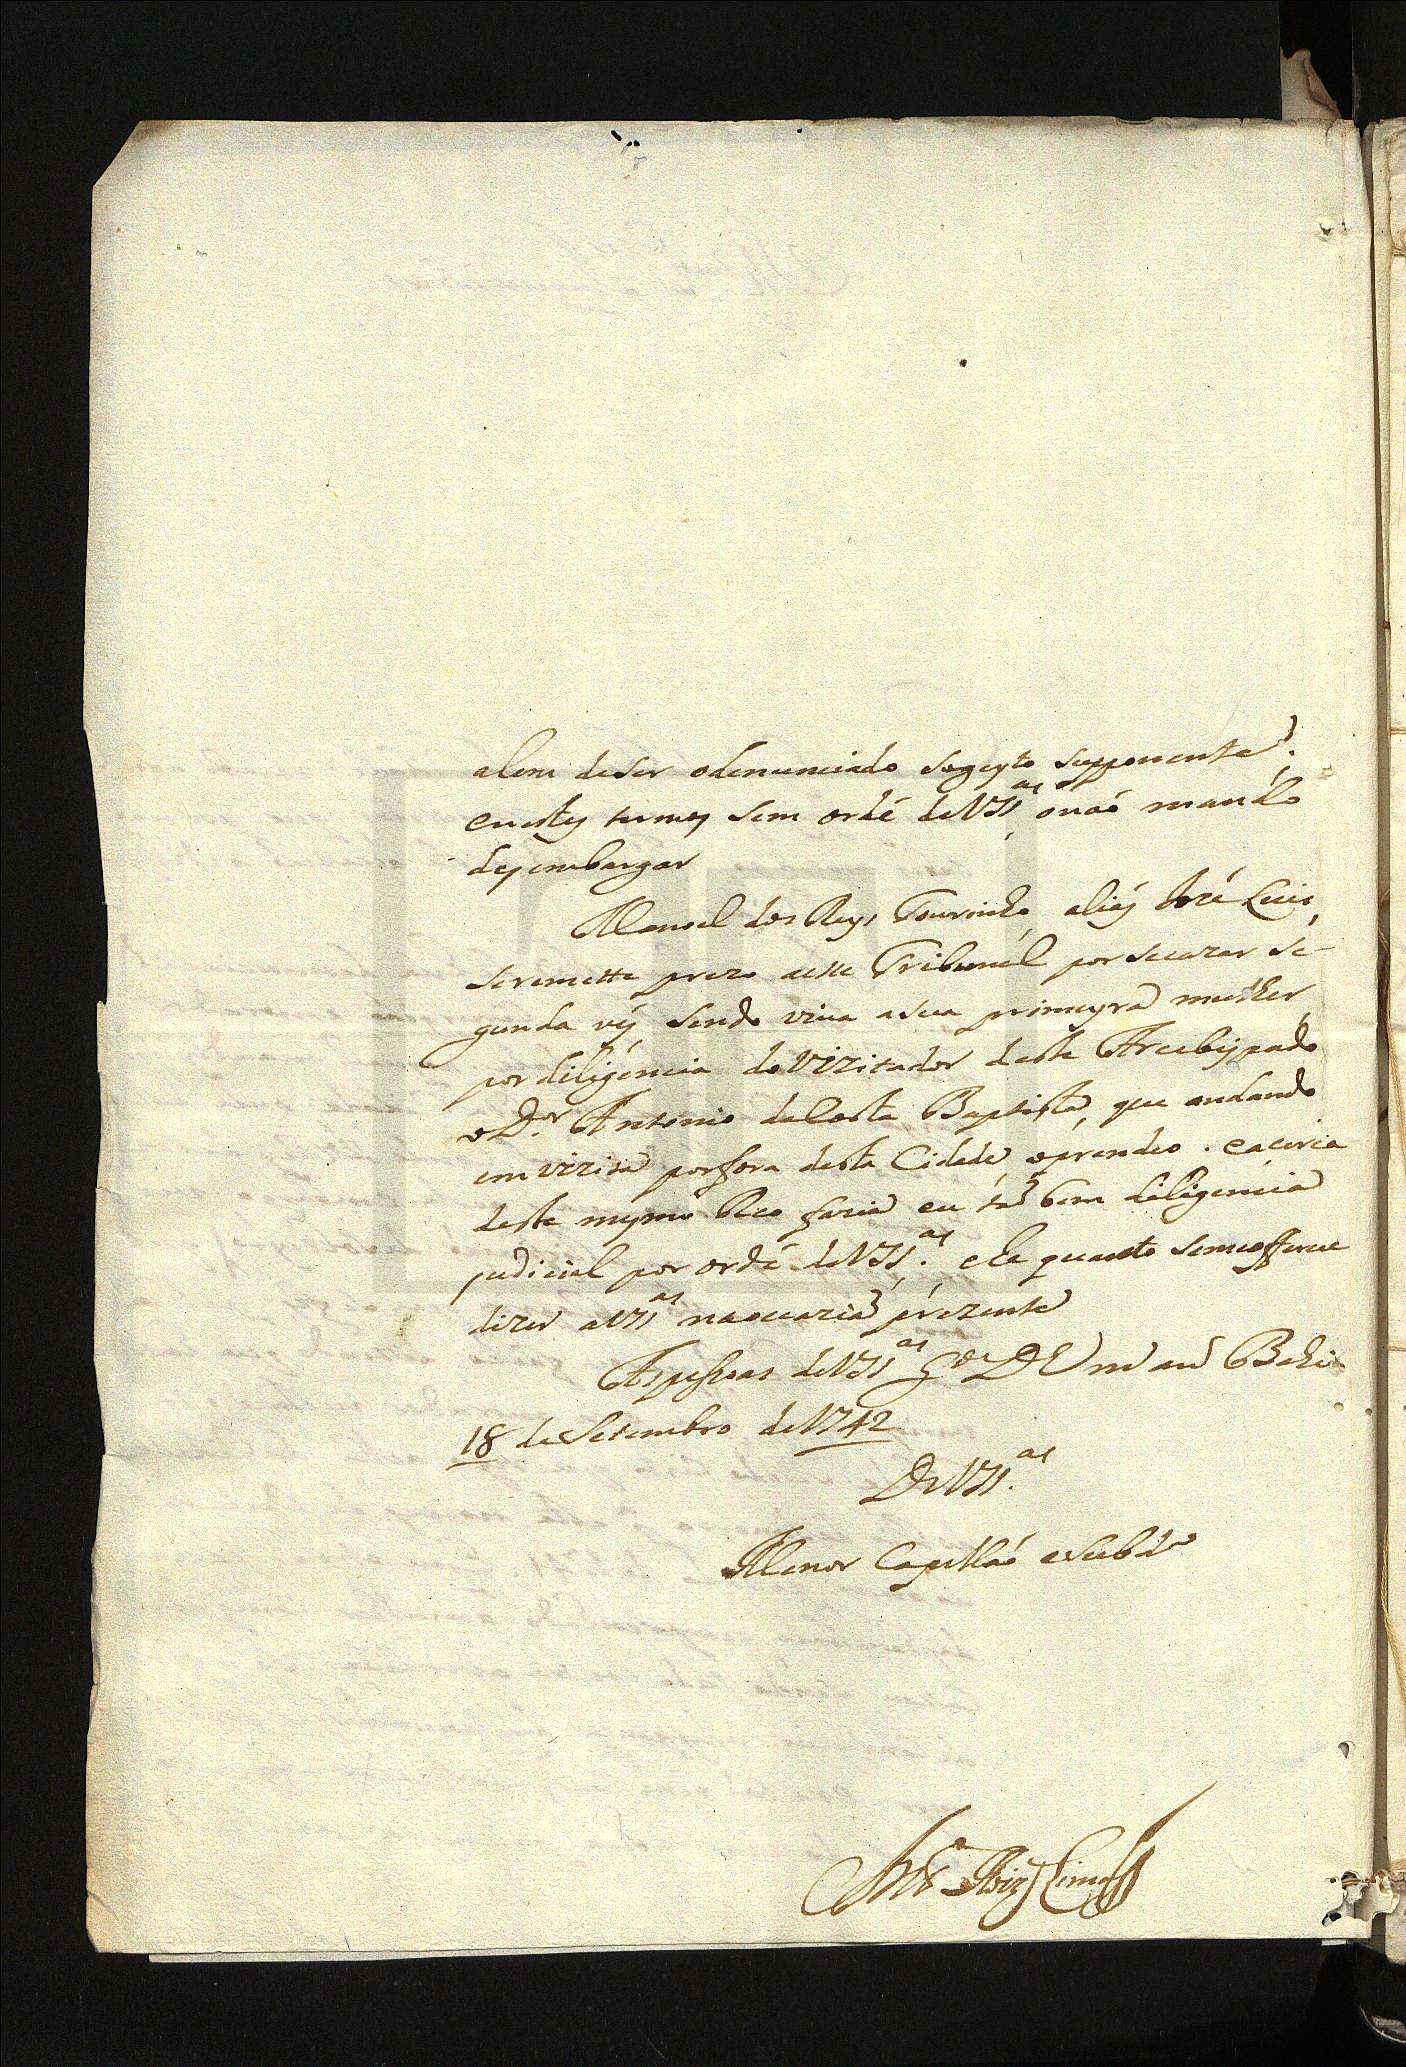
alem de ser o denunciado sogeyto supponente;
e nestes termos sem ordé de V SSas, o naõ mando
desembargar
Manoel dos Reys Tourinho, aliás Iozé Luis,
seremette prezo a esse Tribunal por se cazar se
gunda vés, sendo viua a sua primeyra mulher
por diligencia do Vizitador deste Arcebispado
o D.or Antonio da Costa Baptista, que andando
em vizita por fora desta Cidade, o prendeo. e açerca
deste mesmo Reo fazia eu taõbem diligencia
judicial por ordé da V SS.as, e he quanto semeofferece
dizer a V SSas na occaziaõ prezente
As pessoas de V SSas Gde D Em̄ an̄ Bahia
18 de Setembro de 1742
De VSS.as
Menor Capellaõ e Subdo
Anto Roiz Lima
